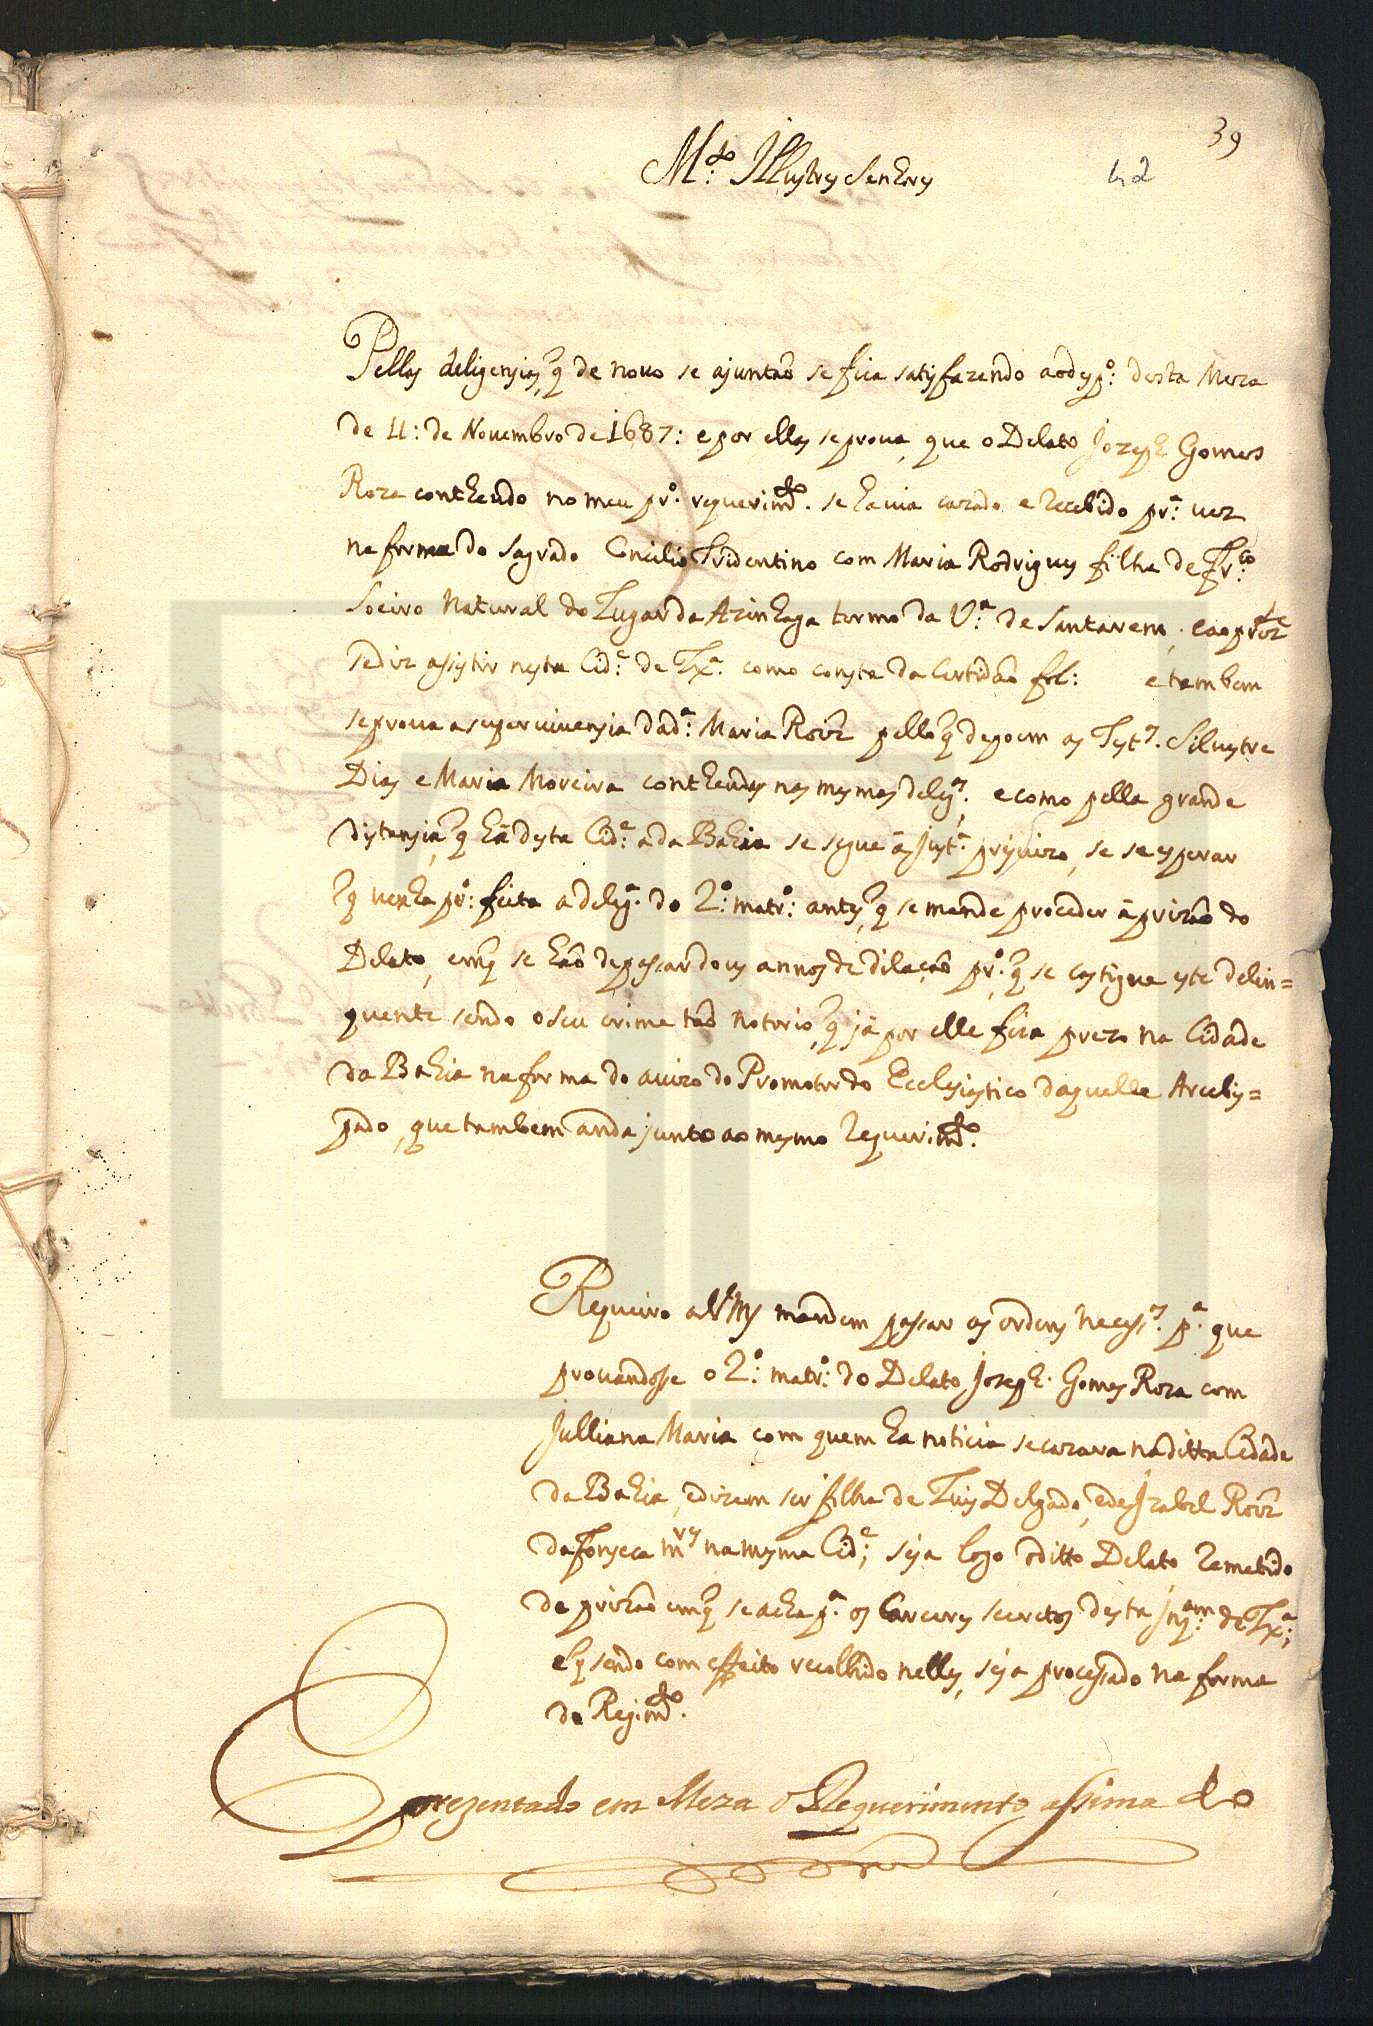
M:to Illustres Senhores
Pellas deligensias, q̄ de nouo se ajuntaõ se fica satisfazendo ao despo. desta Meza
de 11: de Nouembro de 1687: e por ellas se proua, que o Delato Jozeph Gomes
Roza contheudo no pro. requerimto. se hauia cazado e recebido pra: uez
na forma do Sagrado Concilio Tridentino com Maria Rodrigues filha de Frco:
Soeiro natural do Lugar da Azinhaga termo da Ua: de Santarem; e ao prezte
se diz assistir nesta Cid:e de Lxa. como consta da Certidaõ fol: e tambem
se proua a superuiuensia da da: Maria Roiz̄ pello q̄ depoem as Testas. Siluestre
Dias e Maria Moreira contheudas nas mesmas delegas. e como pella grande
distansia q̄ há desta Cide: a da Bahia se segue à Justa. prejuizo, se se esperar
q̄ uenha pro: feita a delega. do 2o: matro: antes, q̄ se mande proceder à prizaõ do
Delato, em q̄ se haõ de passar dous annos de dilaçaõ pro., q̄ se castigue este delin
quente sendo o seu crime notorio, q̄ ja por elle fora prezo na Cidade
da Bahia na forma do auizo do Promotor Ecclesiastico daquelle Arcebis
pado, que tambem anda junto ao mesmo Requerimto.
Requeiro a V Ms mandem passar as ordens necessas. pa. que
prouandosse o 2o. matro. do Delato Jozeph. Gomes Roza com
Julliana Maria com quem ha noticia se cazara na ditta Cidade
da Bahia, e dizem ser filha de Luis Delgado, e de Jzabel Roiz̄
da fonseca mres. na mesma Cide; seja logo o ditto Delato Remetido
da prizaõ em q̄ se acha pa. os Carceres secretos desta Jnqam: de Lxa;
e q̄ sendo com effeito recolhido nelles, seja processado na forma
do Regimto.
E prezentado em Meza o Requerimento assima do
